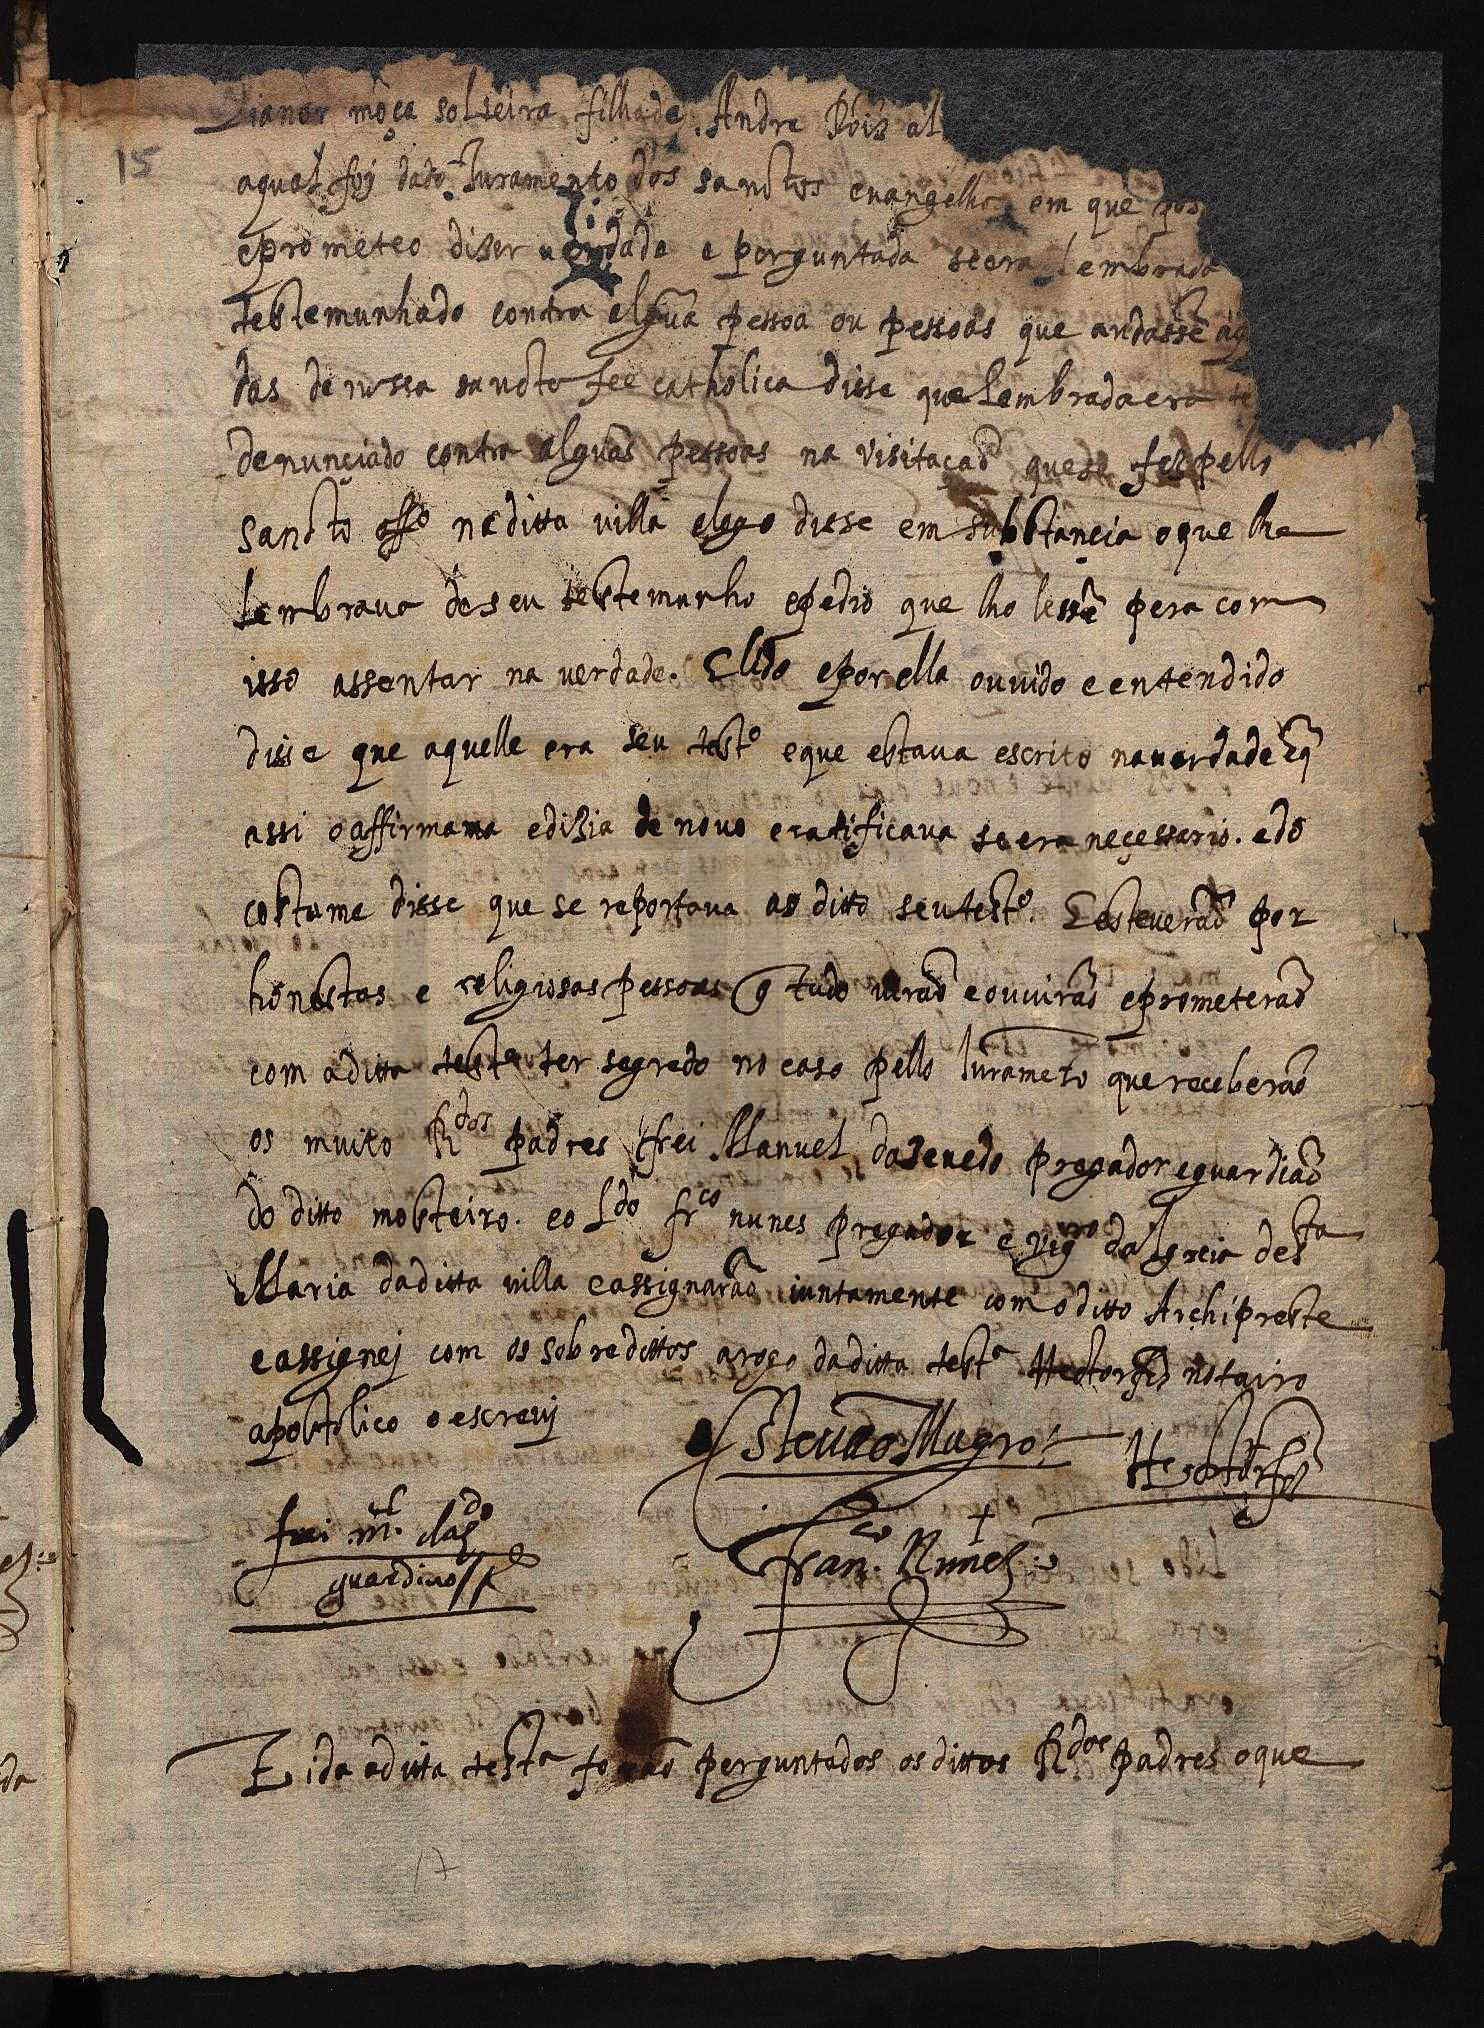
Lianor moça solteira filha de Andre Roīz al
a qual foy dado Juramento dos sanctos euangelhos em que pos
e prometeo dizer uerdade e perguntada se era lembrada
testemunhado contra algūa pessoa ou pessoas que andassē ap
das de nossa sancta fee catholica disse que lembrada era te
denunçiado contra alguās pessoas na visitaçaõ que se fez pello
sancto offo na ditta uilla e logo disse em substançia o que lhe
lembraua de seu testemunho e pedio que lho lessē pera com
isso assentar na uerdade. E lido e por ella ouuido e entendido
disse que aquelle era seu testo e que estaua escrito na uerdade e q̄
assi o affirmaua e dizia de nouo e ratificaua se era neçessario. e do
costume disse que se reportaua ao ditto seu testo. E esteuerão por
honestas e religiosas pessoas q̄ tudo uiraõ e ouuirão e prometeraõ
com a ditta testa ter segredo no caso pello Juramēto que receberão
os muito Rdos padres frei Manuel dazeuedo pregador e guardiaõ
do ditto mosteiro. e o Ldo frco nunes pregador e vigro da Igreia de sta
Maria da ditta uilla e assignarão iuntamente com o ditto Archipreste
e assignej com os sobredittos a rogo da ditta testa Hector fr̄z notairo
apostolico o escreuj
Lida a ditta testa foraõ perguntadas os dittos Rdos padres o que
